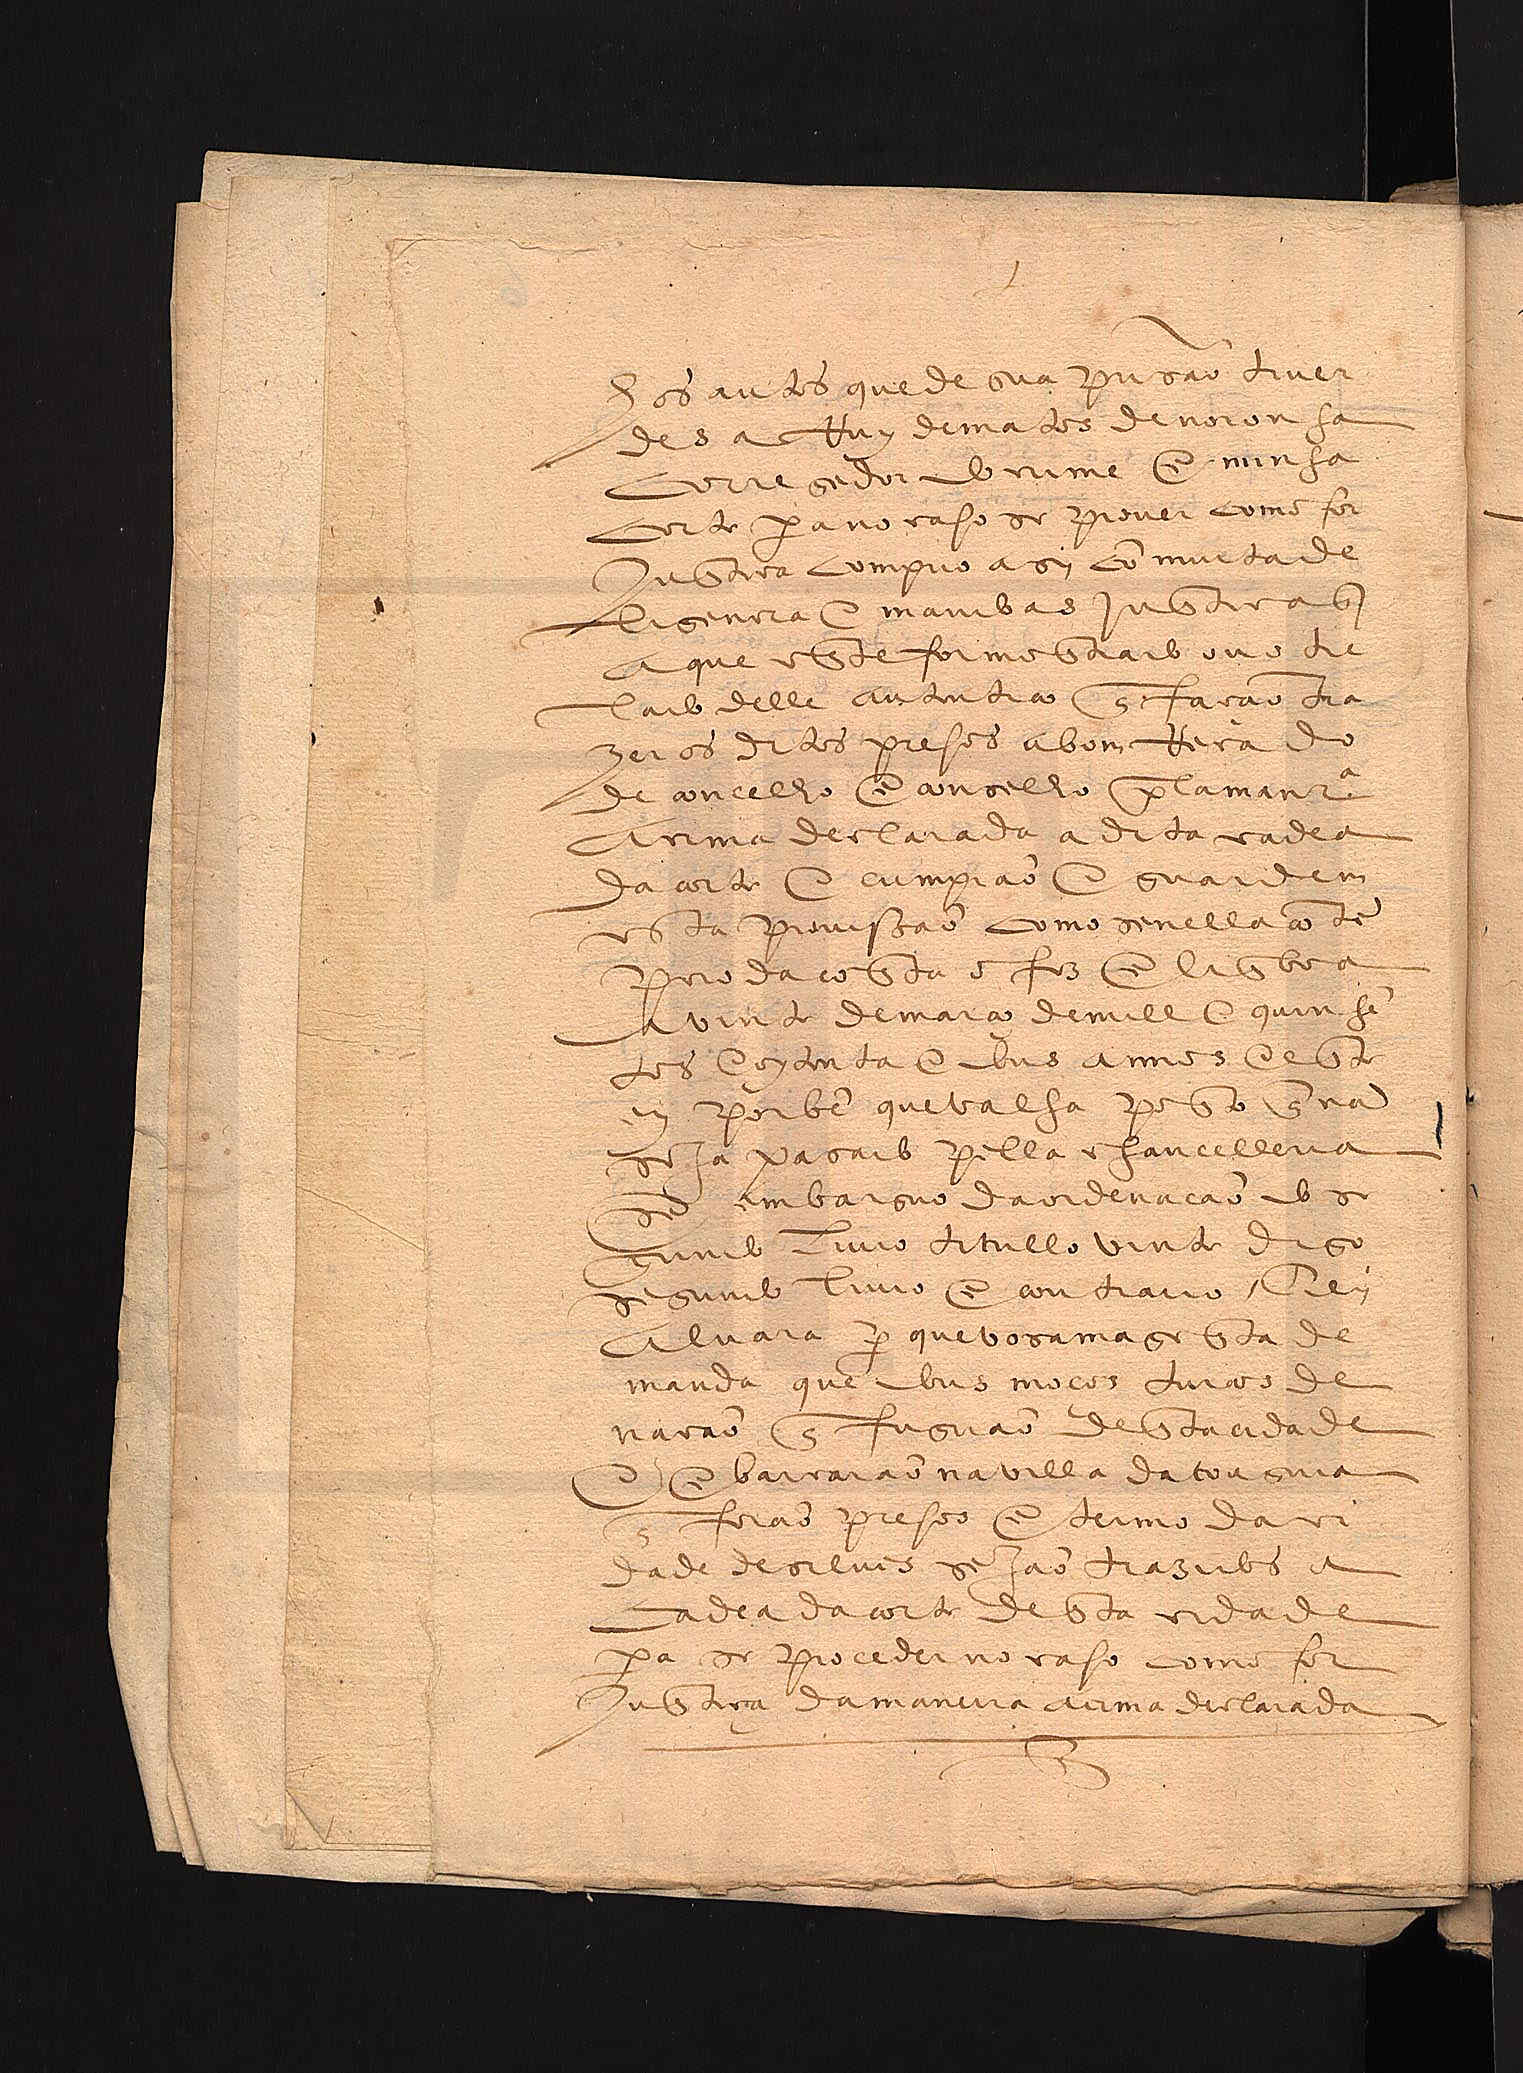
hos autos que de sua prisão tiuer
des a Ruy de matos de noronha
Corregedor do crime ē minha
Corte ꝑa no caso se prouer como for
Justiça comprio asy cō muita de
ligencia e mando as justiças
a que este for mostrado ou o tre
lado delle autentico q̄ façaõ tra
zer os ditos presos a bom Recado
de concelho ē conselho p̄la manra
Acima declarada a dita cadea
da corte e cumpraõ e guardem
esta prouissaõ como se nella c̄otē
pero da costa o fez ē lisboa
A vinte de março de mil e quinhē
tos e oytenta e dous annos e este
ey por bē que valha posto q̄ nā
seJa pasado pella chancellaria
sē embarguo da ordenaçaõ do se
gundo Liuro titullo vinte digo
segundo liuro ē contrairo / Rey
Aluara ꝑ que vosa magestade
manda que dous moços turcos de
naçaõ q̄ fugiraõ desta cidade
e ēbarcaraõ na villa datouguia
q̄ foraõ presos ē termo da ci
dade de silues seJaõ trazidos a
Cadea da corte desta cidade
ꝑa se proceder no caso como for
Justiça da maneira acima declarada
